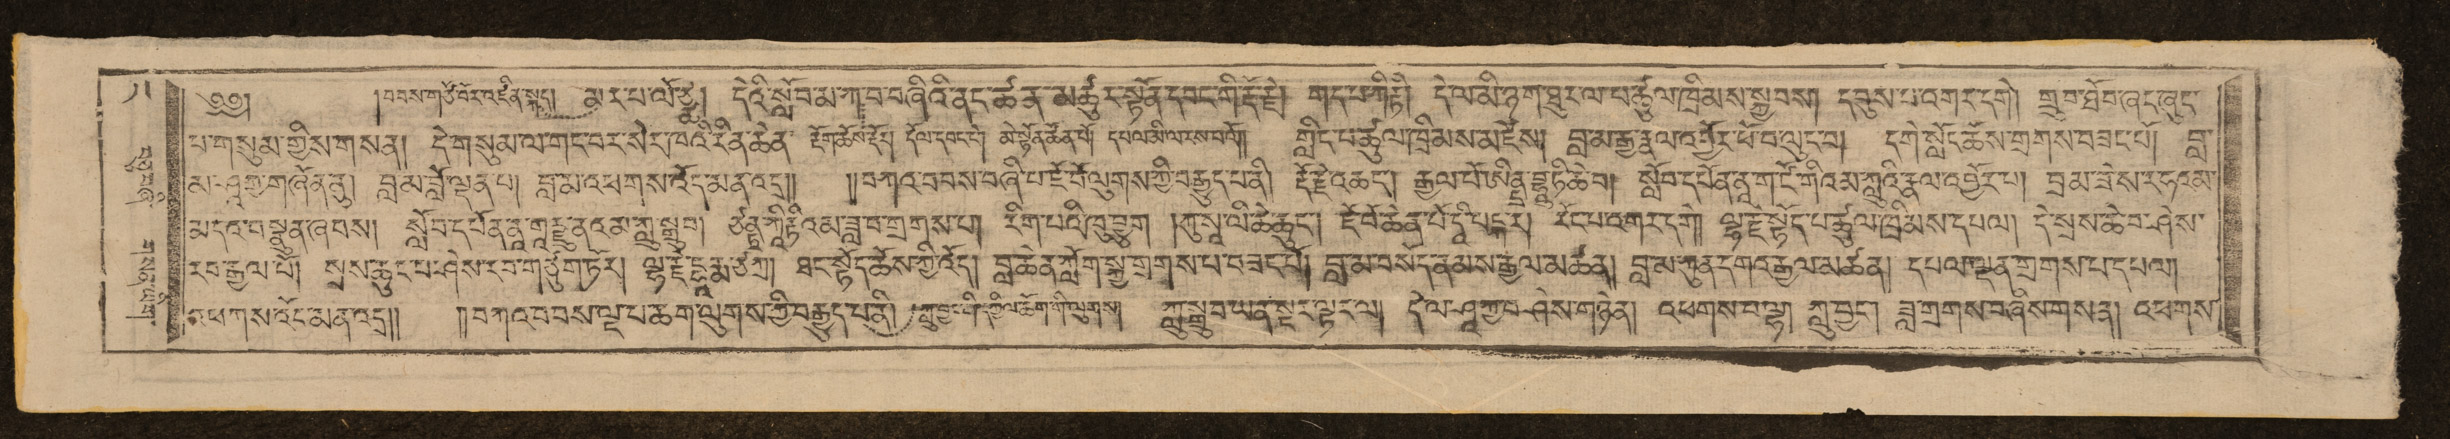༄༅། །བབས་གཙོ་བོར་འཛིན་སྐད། མར་པ་ལོ་ཙྪ། དེའི་སླེབ་མ་ཀ་བ་བཞིའི་ནང་ཚན་མཚུར་སྟོན་དབང་གི་རྡོ་རྗེ། གད་པ་ཀིརྟི། དེ་ལ་མི་ཉག་ཐུར་ལ་པ་ཚུལ་ཁྲིམས་སྐྱབས། དབུས་པ་འགར་དགེ། གྲུབ་ཐོང་ཞང་སྲུང?
པ་གསུམ་གྱིས་གསན། དེ་གསུམ་ལ་གང་བར་སེར་ཁའི་རིན་ཆེན། རྡོག་ཆོས་རྡོར། དོལ་དབང་དེ། མེ་སྟོན་ཚོན་པོ། དཔལ་མི་ལ་རས་པའོ།། གླིང་པ་ཚུལ་ཁྲིམས་མཛེས། བླ་མ་རྒྱ་རྣལ་འབྱོར་ཕོ་བ་ལུང་བ། དགེ་སློང་ཆོས་གྲགས་བཟང་པོ། བླ་
མ་ཤཱཀྱ་གཞོན་ནུ། བླ་མ་བློ་ལྡན་པ། བླ་མ་འཕགས་འོད་མན་འདྲ།། །།བཀའ་བབས་བཞི་པ་ཇོ་བོ་ལུགས་ཀྱི་བརྒྱུད་པ་ནི། རྡོ་རྗེ་འཆད། རྒྱལ་པོ་ཨཻནྡྲ་བྷཱུ་ཏི་ཆེ་བ། སློབ་དཔོན་ནཱ་ག་ངོ་གིའམ་ཀླུའི་རྣལ་འབྱོར་པ། བྲམ་ཟེ་སར་ཧའམ་
མདའ་བསྣུན་ཞབས། སློབ་དཔོན་ནཱ་གཱ་རྫུ་ནའམ་ཀླུ་སྒྲུབ། ཙནྟྲ་ཀཱི་ཏཱིརྟིཨའམ་ཟླ་བ་གྲགས་པ། རིག་པའི་ཁུ་བྱུག །ཀུ་སཱ་ལི་ཆེ་ཆུང་། ཇོ་བོ་ཆེན་པོ་དཱི་པངྐ་ར། རོང་པ་འགར་དགེ། ལྷ་རྗེ་སྟོད་པ་ཚུལ་ཁྲིམས་དཔལ། དེ་སྲས་ཆེ་བ་ཤེས་
རབ་རྒྱལ་པོ། སྲས་ཆུང་པ་ཤེས་རབ་གཙུག་ཏོར། ལྷ་རྗེ་དྷཱརྨ་ཙཀྲ། ཐང་སྟོད་ཆོས་ཀྱི་འོད། བླ་ཆེན་ཀློག་སྐྱ་གྲགས་པ་བཟང་པོ། བླ་མ་བསོད་ནམས་རྒྱལ་མཚན། བླ་མ་ཀུན་དགའ་རྒྱལ་མཚན། དཔལ་ལྡན་གྲགས་པ་དཔལ།
འཕགས་འོང་མན་འདྲ།། །།བཀའ་བབས་ལྔ་པ་ཆག་ལུགས་ཀྱི་བརྒྱུད་པ་ནི། ཀླུ་བྱང་རི། དཀྱིལ་ཆོག་གི་ལུགས། ཀླུ་སྒྲུབ་ཡན་སྔར་ལྟར་ལ། དེ་ལ་ཤཱཀྱ་བཤེས་གཉེན། འཕགས་པ་ལྷ། ཀླུ་བྱང་། ཟླ་གྲགས་བཞིས་གསན། འཕགས་